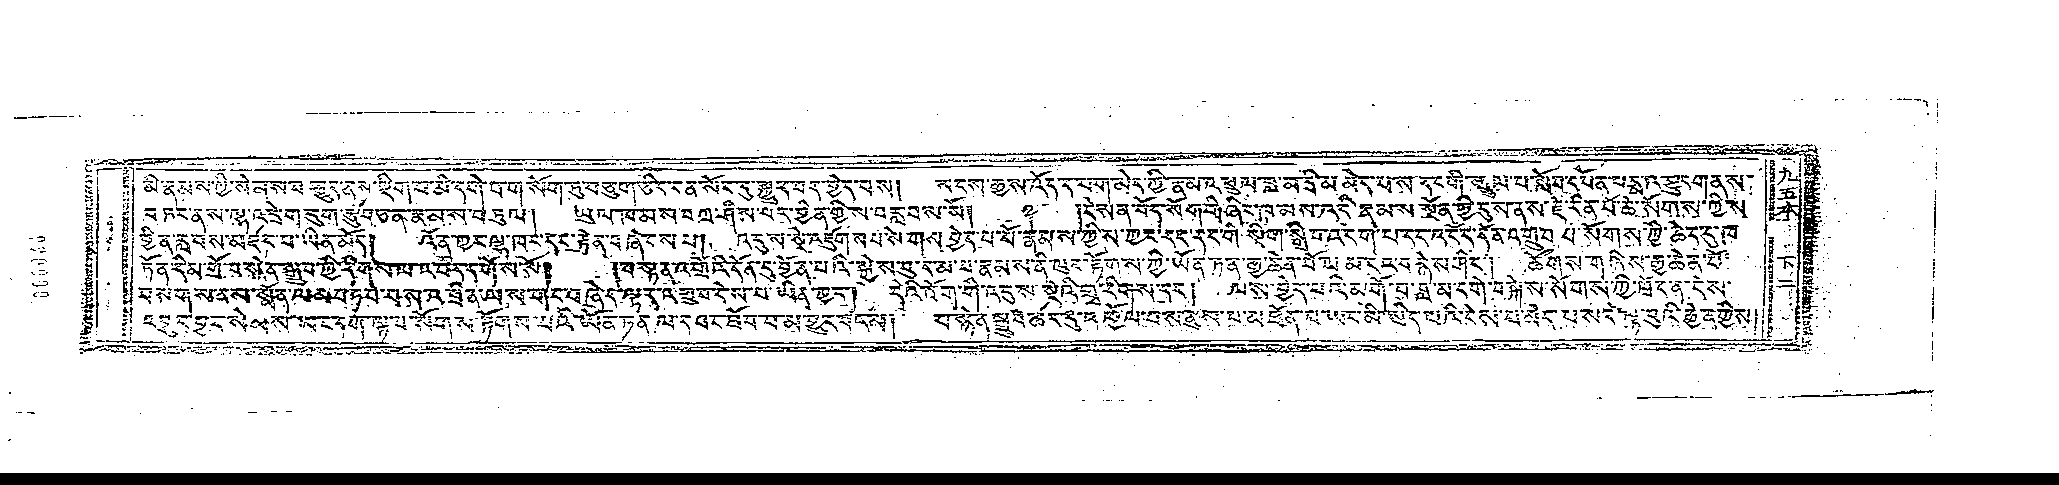མི་རྣམས་ཀྱི་སེམས་བསྒྱུར་ནས་སྡིག་པ་མི་དགེ་བ་གསོག་ཏུ་བཅུག་ཅིང་ངན་སོང་དུ་སྐྱུར་བར་བྱེད་པས། སངས་རྒྱས་འོད་དཔག་མེད་ཀྱི་རྣམ་འཕྲུལ་བླ་མ་དྲི་མ་མེད་པས་རང་གི་སྤྲུལ་བ་སློབ་དཔོན་པདམ་འབྱུང་གནས་
བཏང་ནས་ལྷ་འདྲེག་དུག་རྩུབ་ཅན་རྣམས་བཏུལ། ཡུལ་ཁམས་བཀྲ་ཤིས་པར་བྱིན་གྱིས་བརླབས་སོ། ༈ །དེས་ན་བོད་སོག་གི་ཞིང་ཁམས་འདི་རྣམས་སྔོན་གྱི་དུས་ནས་རྗེ་རིན་པོ་ཆེ་སོགས་ཀྱིས་
བྱིན་རླབས་མཛད་པ་ཡིན་མོད། འོན་ཀྱང་ལྷ་ཁང་དང་རྟེན་བཞེངས་པ། འདུས་སྡེ་འཛུགས་བ་སོགས་བྱེད་པ་པོ་རྣམས་ཀྱིས་ཁྱད་རང་རང་གི་སྡིག་སྒྲིབ་བདག་པ་དང་འདོད་དོན་འགྲུབ་པ་སོགས་ཀྱི་ཆེད་དུ་ཁ་
ཏོན་རིམ་གྲོ་བསྙེན་སྒྲུབ་ཀྱི་རིགས་ལ་འབད་དགོས་སོ། །བསྟན་འགྲོའི་དོན་དུ་བྱོན་པའི་སྐྱེས་བུ་དམ་པ་རྣམས་ནི་ལུང་རྟོགས་ཀྱི་ཡོན་ཏན་རྒྱ་ཆེན་པོ་ལ་མངའ་བརྙེས་ཤིང་། ཚོགས་གཉིས་རྒྱ་ཆེན་པོ་
བསགས་ནས་སྨོན་ལམ་བཏབ་པས་འཕྲིན་ལས་གང་བཞེད་ལྟར་འགྲུབ་ངེས་པ་ཡིན་ཀྱང་། དེའི་འོག་གི་འདུས་སྡེའི་གྲྭ་རིགས་དང་། ལས་བྱེད་པའི་མགོ་པ་བླ་མ་དགེ་བསྐོས་སོགས་ཀྱི་ཁྲོད་ན་ངེས་
འབྱུང་བྱང་སེམས་ཡང་དག་ལྟ་བ་སོགས་རྟོགས་པའི་ཡོན་ཏན་ལ་དབང་ཐོབ་པ་མ་བྱུང་བའམ། བསྙེན་སྒྲུབ་ཚད་དུ་འཁྱོལ་བས་ནུས་པ་མཐོན་པ་ཡང་མི་སྲིད་པའི་ངེས་པ་མེད་པས་དེ་ལྟ་བུའི་རྐྱེན་ཀྱིས།